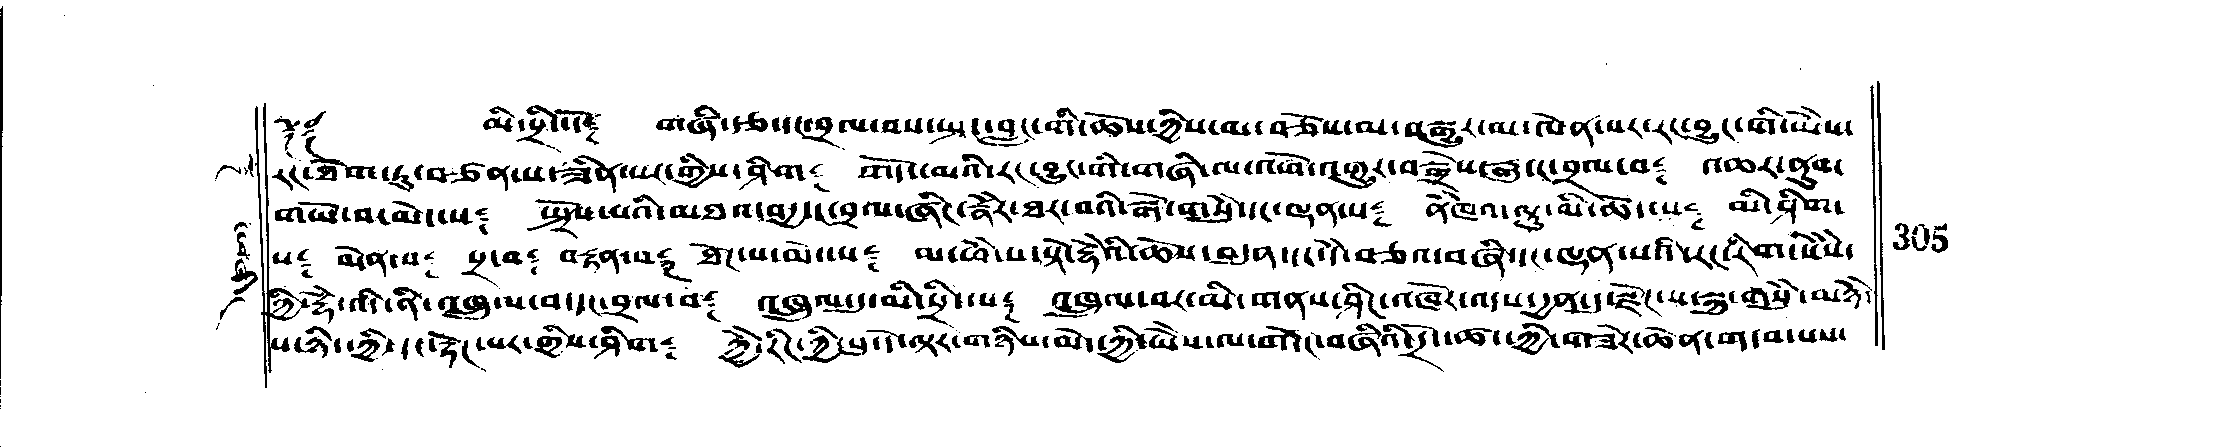མི་སྲིད་དོ། གཞི་རྩ་དང་བྲལ་བས་སྤང་བླང་གི་ཆོས་ཀྱིས་མ་བཅོས་མ་བསྒྱུར་མ་ལེན་པར་རང་བྱུང་གི་ཡེ་ཤེས་
རང་ཐོག་ཏུ་བཙན་ས་ཟིན་པར་གྱིས་ཤིག གདོད་མའི་རང་བྱུང་གི་གཞི་ལ་འཕོ་འགྱུར་བསྒྲེས་རྒུད་དང་བྲལ་བ། འཆར་ནུབ་
གཡོ་བ་མེད་པ། སྤྲོས་པའི་མཐའ་བརྒྱད་བྲལ་ཞིང་རྣམ་པར་ཐར་པའི་སྒོ་གསུམ་དང་ལྡན་པ། ནམ་མཁའ་ལྟ་བུ་མི་ཆོད་པ། མི་ཤིག་
པ། བདེན་པ། སྲ་བ། བརྟན་པ། ཐོགས་པ་མེད་པ། མ་ཕམ་པ་སྟེ་རྡོ་རྗེའི་ཆོས་བདུན་དང་དམ་བཅའ་བཞི་དང་ལྡན་པའི་རང་རིག་སེམས་
ཀྱི་རྡོ་རྗེ་འདི་ནི་འཁྲུལ་པ་དང་བྲལ་བ། འཁྲུལ་དུ་མི་སྲིད་པ། འཁྲུལ་བར་མི་གནས་ཤིང་འཁོར་འདས་རྒྱན་དུ་རྫོགས་པ་སྐུ་གསུམ་མཉམ་
པ་ཉིད་ཀྱི་ངང་རྟོགས་པར་གྱིས་ཤིག ཀྱཻ་རིགས་ཀྱི་བུ་དེ་ལྟར་གཉིས་མེད་ཀྱི་ཡེ་ཤེས་ལ་གདེང་བཞིའི་དྲོད་ཚད་ཀྱི་གཟེར་ཆེན་གདབ་པས་